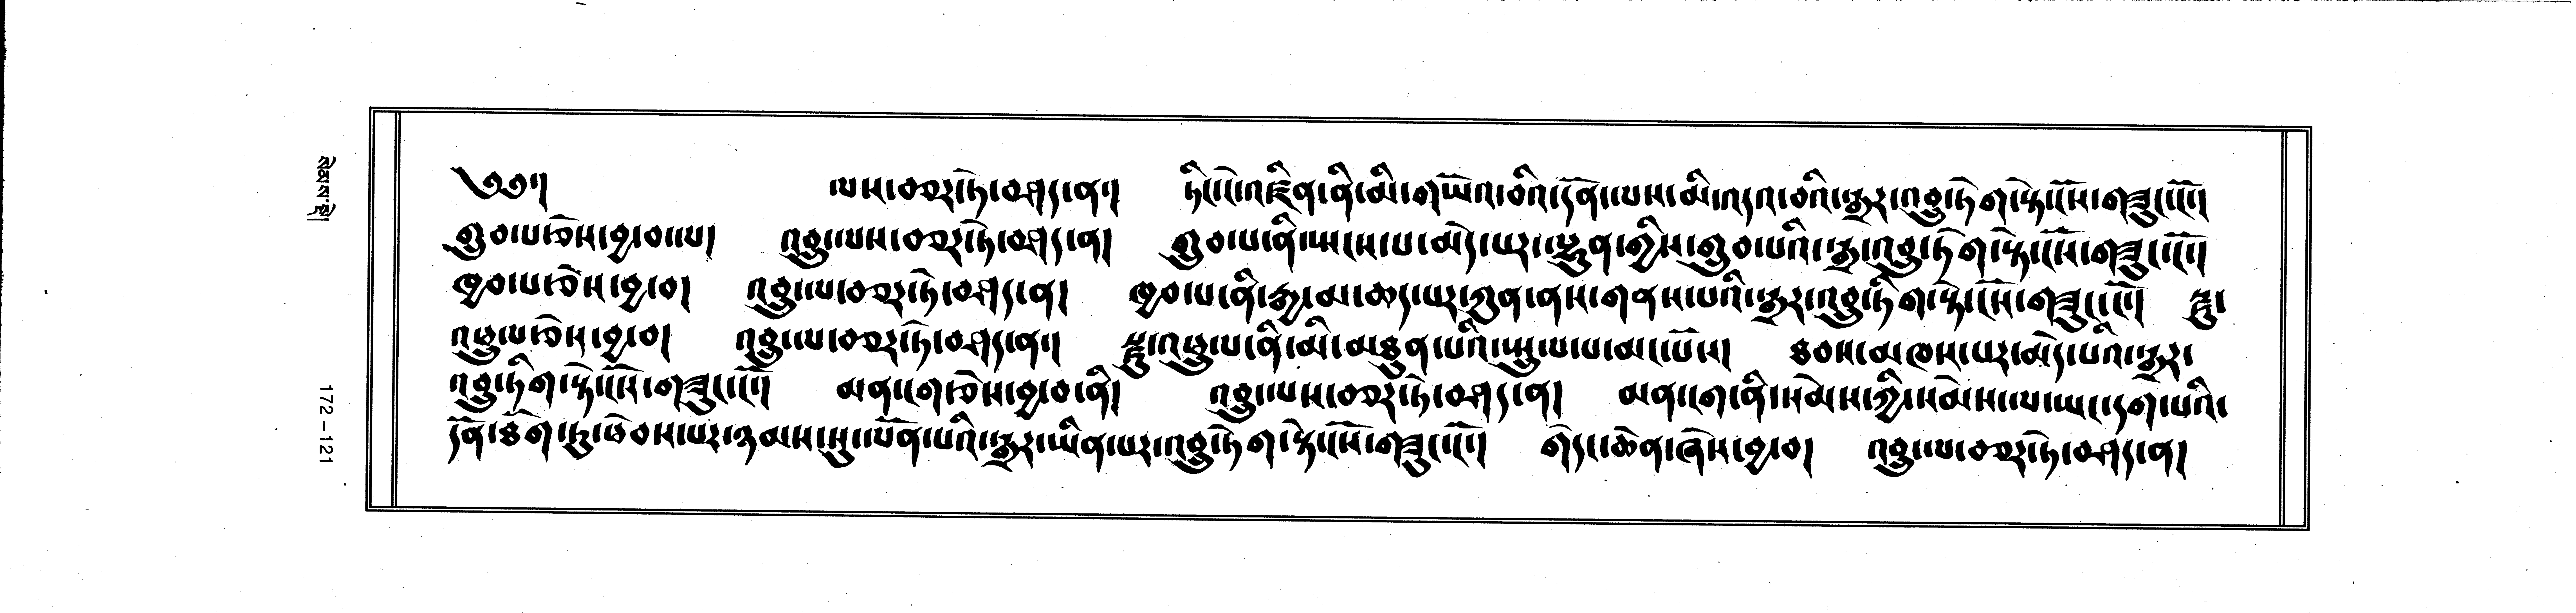ལས་བཅར་ཏེ་བཤད་ན། ཏིང་ངེ་འཛིན་ནི་མི་གཡོའ་བའི་དོན་ལས་མི་འདའ་བའི་སྒྲར་འབྲུ་ཏིག་སྟེ་ངོས་གཟུངས་ངོ་། 
གྲུབ་པ་ཅེས་བྱ་བ་ལ། འབྲུ་ལས་བཅར་ཏེ་བཤད་ན། གྲུབ་པ་ནི་སྤངས་པ་མེད་པར་ལྷུན་གྱིས་གྲུབ་པའི་སྒྲ་འབྲུ་ཏིག་སྟེ་ངོས་གཟུངས་ངོ་། 
ཁྱབ་པ་ཅེས་བྱ་བ། འབྲུ་ལ་བཅར་ཏེ་བཤད་ན། ཁྱབ་པ་ནི་རྒྱ་མ་ཆད་པར་ཀུན་ནས་གནས་པའི་སྒྲར་འབྲུ་ཏིག་སྟེ་ངོས་གཟུངས་ངོ་། རྫུ་
འཕྲུལ་ཅེས་བྱ་བ། འབྲུ་ལ་བཅར་ཏེ་བཤད་ན། རྫུ་འཕྲུལ་ནི་མི་མཐུན་པའི་སྤྲུལ་པ་མང་པོས། ཐབས་མཁས་པར་མེད་པའི་སྒྲར་
འབྲུ་ཏིག་སྟེ་ངོས་གཟུངས་ངོ་། མན་ངག་ཅེས་བྱ་བ་ནི། འབྲུ་ལས་བཅར་ཏེ་བཤད་ན། མན་ངག་ནི་སེམས་ཀྱི་སེམས་ལ་ཡང་དག་པའི་
དོན་ཐོག་ཏུ་ཕེབས་པར་ཉམས་སུ་ལོན་པའི་སྒྲར་ཡིན་པར་འབྲུ་ཏིག་སྟེ་ངོས་གཟུངས་ངོ་། གདེང་ཆེན་ཞེས་བྱ་བ། འབྲུ་ལ་བཅར་ཏེ་བཤད་ན།